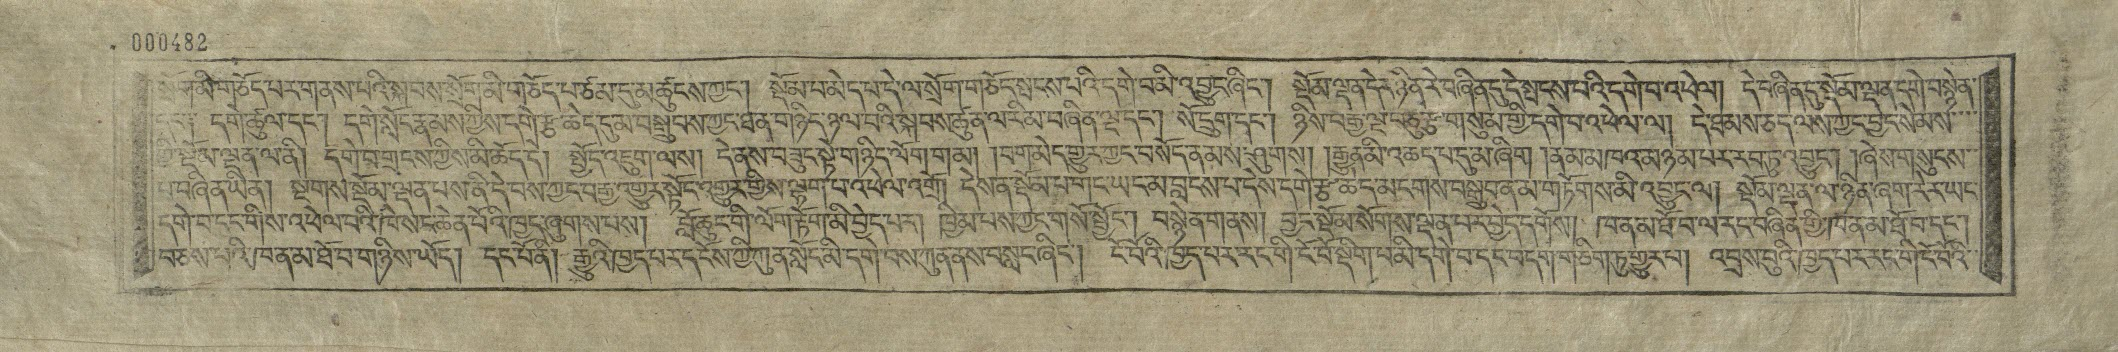སྲོག་མི་གཅོད་པར་གནས་པའི་སྐབས་སྲོག་མི་གཅོད་པ་ཙམ་དུ་མཚུངས་ཀྱང་། སྡོམ་པ་མེད་པ་དེ་ལ་སྲོག་གཅོད་སྤངས་པའི་དགེ་བ་མི་འབྱུང་ཞིང་། སྡོམ་ལྡན་དེར་ཉིན་རེ་བཞིན་དུ་དེ་སྤངས་པའི་དགེ་བ་འཕེལ། དེ་བཞིན་དུ་སྡོམ་ལྡན་དགེ་བསྙེན་
དང་། དགེ་ཚུལ་དང་། དགེ་སློང་རྣམས་ཀྱིས་དགེ་རྩ་ཆེད་དུ་མ་བསྒྲུབས་ཀྱང་ཐ་ན་གཉིད་ཉལ་བའི་སྐབས་ཚུན་ལ་རིམ་བཞིན་ལྔ་དང་། སོ་དྲུག་དང་། ཉིས་བརྒྱ་ལྔ་བཅུ་རྩ་གསུམ་གྱི་དགེ་བ་འཕེལ་ལ། དེ་ཐམས་ཅད་ལས་ཀྱང་བྱང་སེམས་
ཀྱི་སྡོམ་ལྡན་ལ་ནི། དགེ་བ་གྲངས་ཀྱིས་མི་ཆོད་དེ། སྤྱོད་འཇུག་ལས། དེ་ནས་བཟུང་སྟེ་གཉིད་ལོག་གམ། །བག་མེད་གྱུར་ཀྱང་བསོད་ནམས་ཤུགས། །རྒྱུན་མི་འཆད་པ་དུ་མ་ཞིག །ནམ་མཁའ་མཉམ་པར་རབ་ཏུ་འབྱུང་། །ཞེས་གསུངས་
པ་བཞིན་ཡིན། སྔགས་སྡོམ་ལྡན་པས་ནི་དེ་བས་ཀྱང་བརྒྱ་འགྱུར་སྟོང་འགྱུར་གྱིས་ལྷག་པ་འཕེལ་འགྲོ། དེས་ན་སྡོམ་པ་གང་ཡང་མ་བླངས་པ་དེས་དགེ་རྩ་ཆེད་མངགས་བསྒྲུབ་ན་མ་གཏོགས་མི་འབྱུང་ལ། སྡོམ་ལྡན་ལ་ཉིན་ཞག་རེར་ཡང་
དགེ་བ་ངང་གིས་འཕེལ་བའི་ཁེ་སང་ཆེན་པོའི་ཁྱད་ཞུགས་པས། བློ་ཆུང་གི་ལོག་རྟོག་མི་བྱེད་པར། ཁྱིམ་པས་ཀྱང་གསོ་སྦྱོང་། བསྙེན་གནས། བྱང་སྡོམ་སོགས་ལྡན་པར་བྱེད་དགོས། ཁ་ན་མཐོ་བ་ལ་རང་བཞིན་གྱི་ཁ་ན་མ་ཐོ་བ་དང་།
བཅས་པའི་ཁ་ན་མ་ཐོབ་པ་གཉིས་ཡོད། དང་པོ་ནི། རྒྱུའི་ཁྱད་པར་དངོས་ཀྱི་ཀུན་སློང་མི་དགེ་བས་ཀུན་ནས་བསླང་ཞིང་། ངོ་བོའི་ཁྱད་པར་རང་གི་ངོ་བོ་སྡིག་པ་མི་དགེ་བ་དང་བདག་གཅིག་ཏུ་གྱུར་པ། འབྲས་བུའི་ཁྱད་པར་རང་གི་ངོ་བོའི་